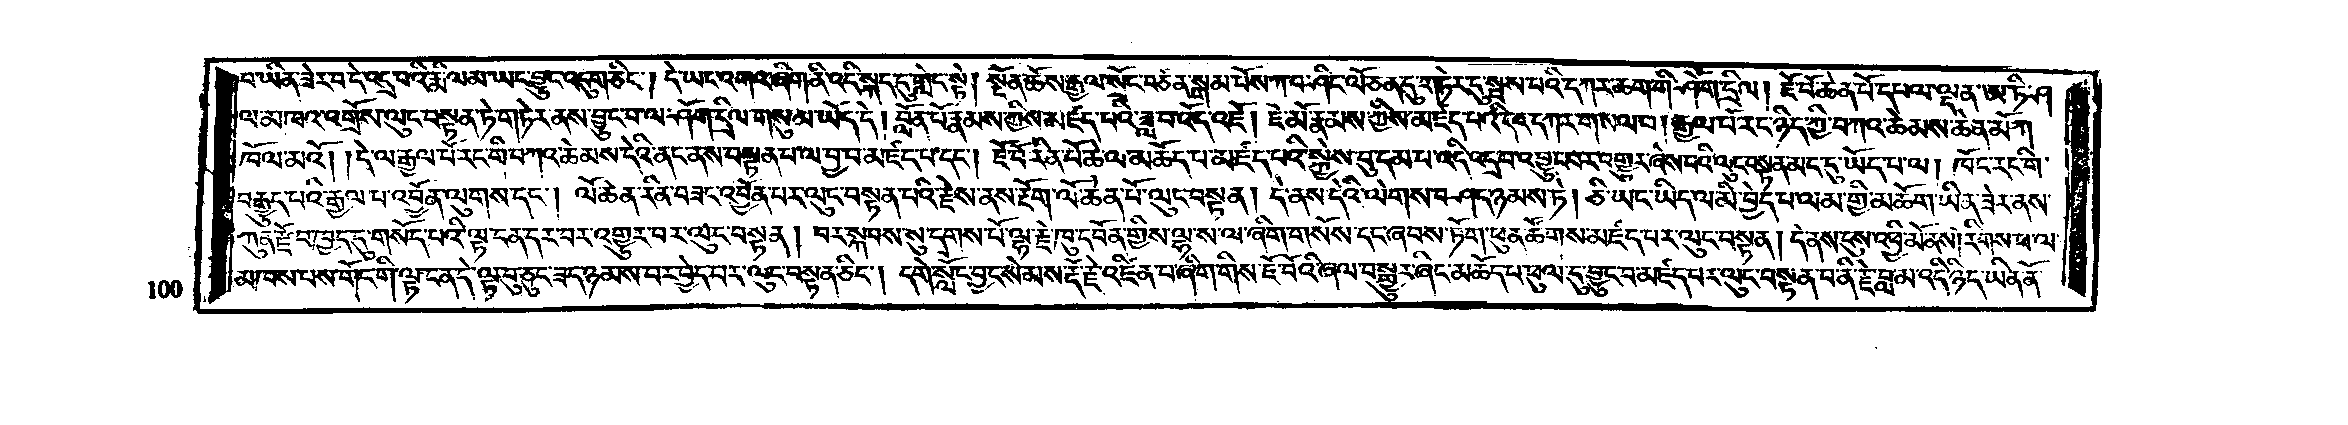བ་ཡིན་ཟེར་བ་དེ་འདྲ་བའི་རྨི་ལམ་ཡང་བྱུང་འདུག་ཅིང་། དེ་ཡང་འགའ་ཞིག་ནི་འདི་སྐད་དུ་གླེང་སྟེ། སྔོན་ཆོས་རྒྱལ་སྲོང་བཙན་སྒམ་པོས་ཀ་བ་ཤིང་ལོ་ཅན་དུ་གཏེར་དུ་སྦས་པའི་དཀར་ཆག་གི་ཤོག་དྲིལ། ཇོ་བོ་ཆེན་པོ་དཔལ་ལྡན་ཨ་ཏི་ཤ་
ལ་མཁའ་འགྲོས་ལུང་བསྟན་ཏེ་གཏེར་ནས་བྱུང་བ་ལ་ཤོག་དྲིལ་གསུམ་ཡོད་དེ། བློན་པོ་རྣམས་ཀྱིས་མཛད་པའི་ཟླ་བ་འོད་འཇོ། ཇེ་མོ་རྣམས་ཀྱིས་མཛད་པའི་དང་དཀར་གསལ་བ། རྒྱལ་པོ་རང་ཉིད་ཀྱི་བཀའ་ཆེམས་ཆེན་མོ་ཀ་
ཁོལ་མའོ། །དེ་ལ་རྒྱལ་པོ་རང་གི་བཀའ་ཆེམས་དེའི་ནང་ནས་བསྟན་པ་ལ་བྱ་བ་མཛད་པ་དང་། ཇོ་བོ་རིན་པོ་ཆེ་ལ་མཆོད་པ་མཛད་པའི་སྐྱེས་བུ་དམ་པ་འདི་འདྲ་བ་འབྱུང་བར་འགྱུར་ཞེས་པའི་ལུང་བསྟན་མང་དུ་ཡོད་པ་ལ། ཁོང་རང་གི་
བརྒྱུད་པའི་རྒྱལ་པ་འབྱོན་ལུགས་དང་། ལོ་ཆེན་རིན་བཟང་འབྱོན་པར་ལུང་བསྟན་པའི་རྗེས་ནས་རྔོག་ལོ་ཆེན་པོ་ལུང་བསྟན། དེ་ནས་དེའི་ལེགས་བཤད་ཉམས་ཏེ། ཅི་ཡང་ཡིད་ལ་མི་བྱེད་པ་ལམ་གྱི་མཆོག་ཡིན་ཟེར་ནས་
ཀུན་རྫོབ་ཁྱད་དུ་གསོད་པའི་ལྟ་ངན་དར་བར་འགྱུར་བར་ལུང་བསྟན། བར་སྐབས་སུ་དྲགས་པོ་ལྷ་རྗེ་ཁུ་དབོན་གྱིས་ལྷ་ས་ལ་ཞིག་གསོས་དང་ཞབས་ཏོག་ཕུན་ཚོགས་མཛད་པར་ལུང་བསྟན། དེ་ནས་དུས་འཕྱི་མོ་ནས། རིགས་ཕ་ལ་
མཁས་པས་གོང་གི་ལྟ་ངན་དེ་ལྟ་བུ་ཅུང་ཟད་ཉམས་པར་བྱེད་པར་ལུང་བསྟན་ཅིང་། དགེ་སློང་བྱང་སེམས་རྡོ་རྗེ་འཛིན་པ་ཞིག་གིས་ཇོ་བོའི་ཞལ་བསྒྱུར་ཞིང་མཆོད་པ་ཕུལ་དུ་བྱུང་བ་མཛད་པར་ལུང་བསྟན་པ་ནི་རྗེ་བླ་མ་འདི་ཉིད་ཡིན་ནོ་